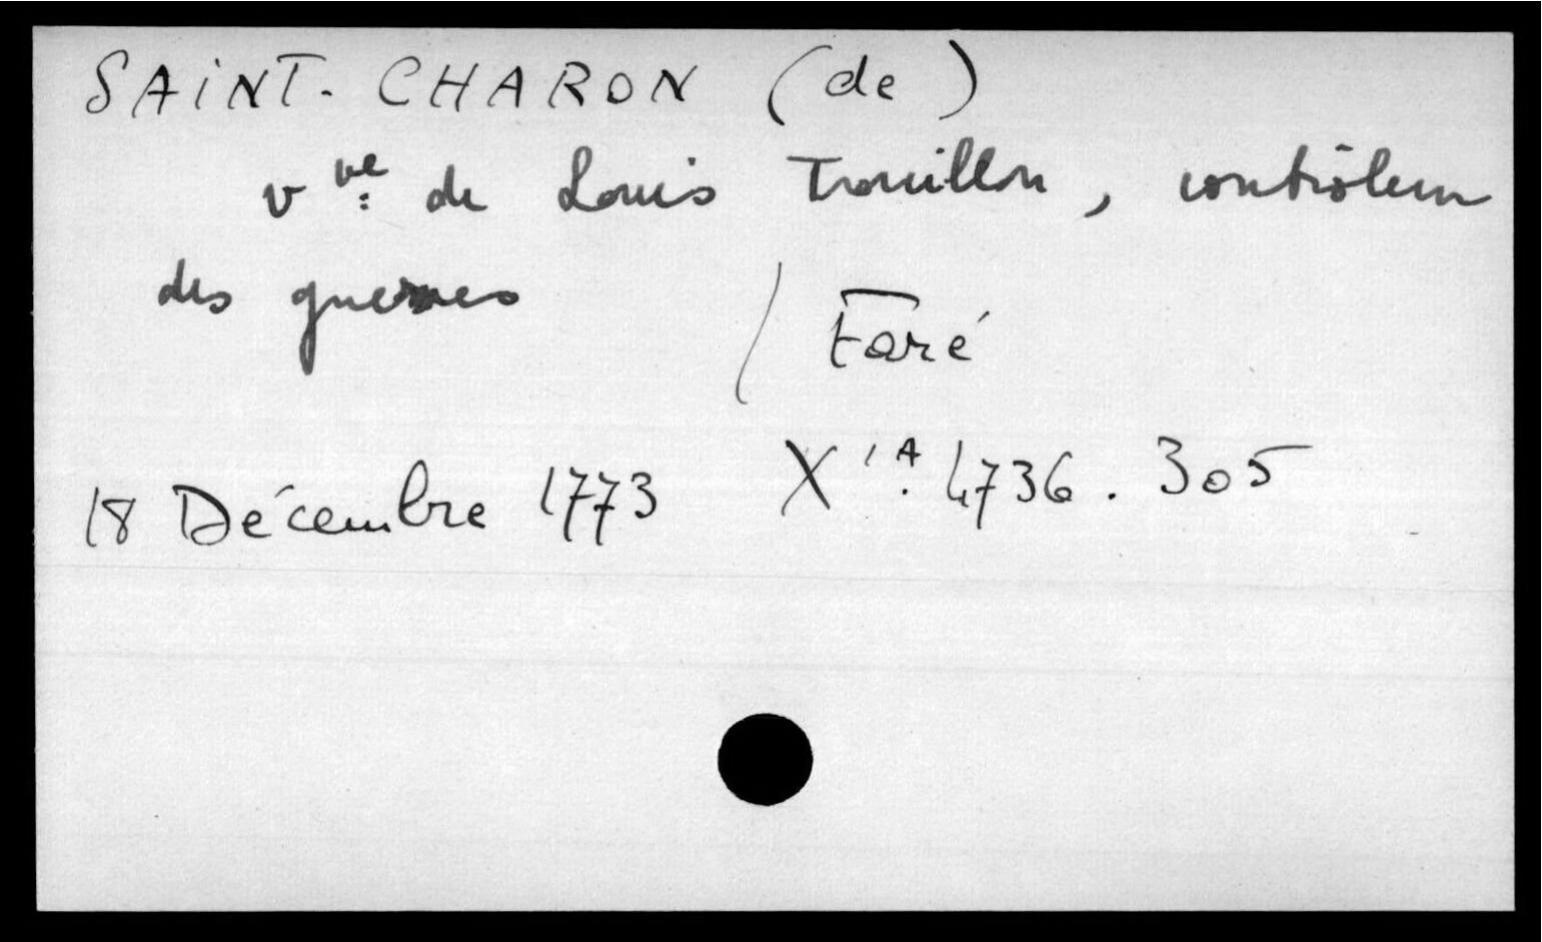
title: SAINT-CHARON (de), veuve de Louis Trouillon, contrôleur des guerres
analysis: Contre Faré
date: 18 décembre 1773
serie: X1A
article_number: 4736
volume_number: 305
